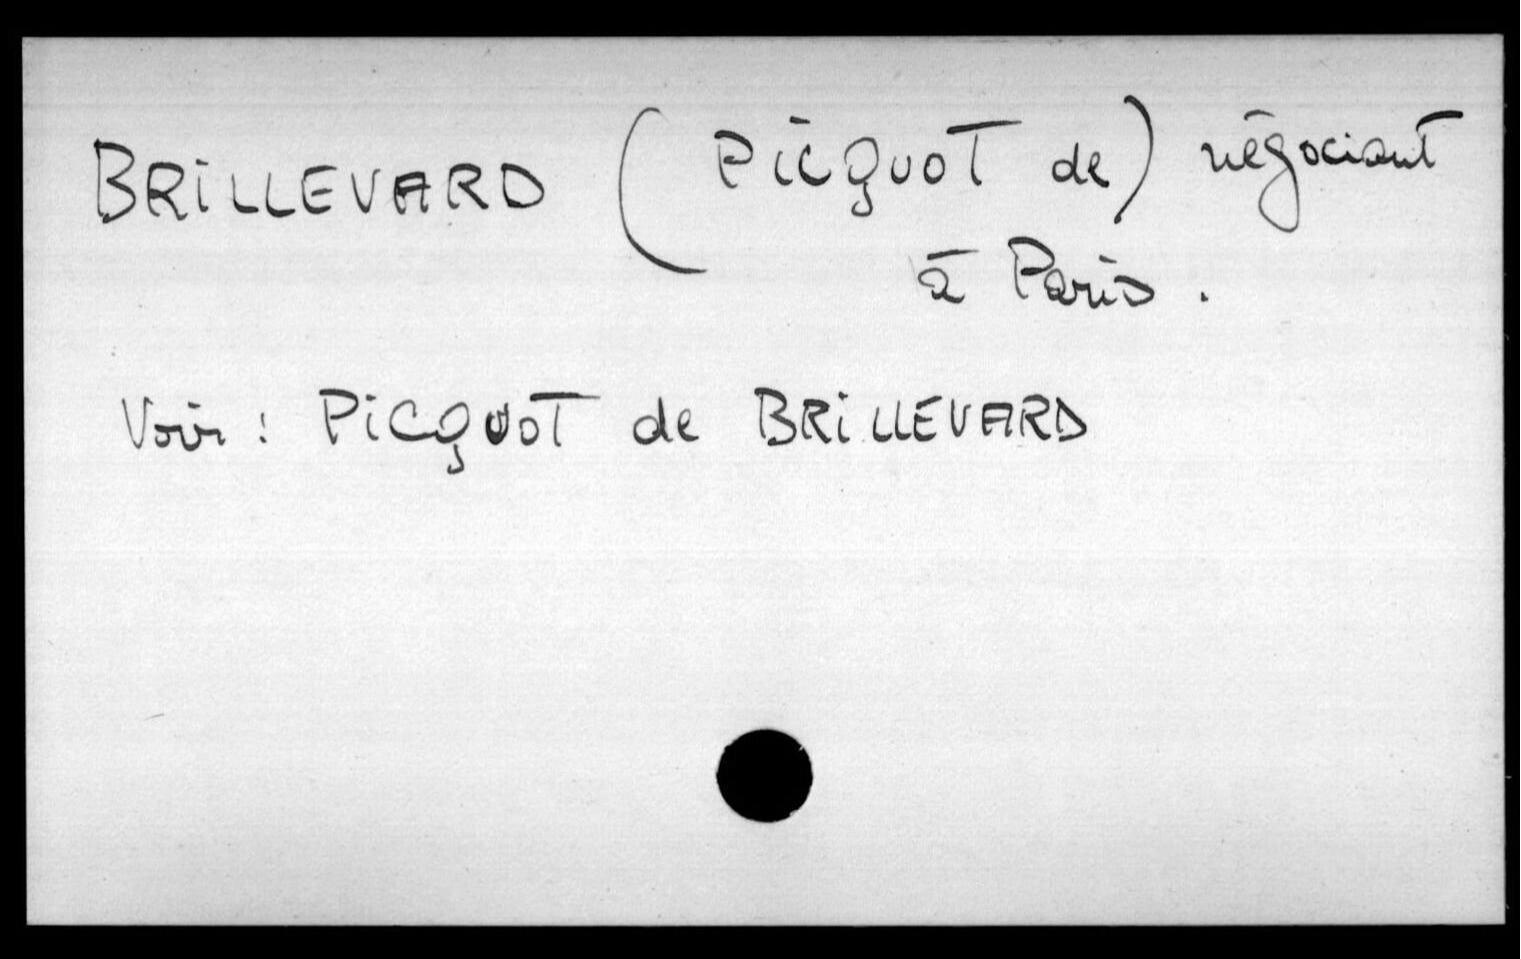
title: BRILLEVARD (Picquot de) négociant à Paris.
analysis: Voir : PICQUOT de BRILLEVARD
